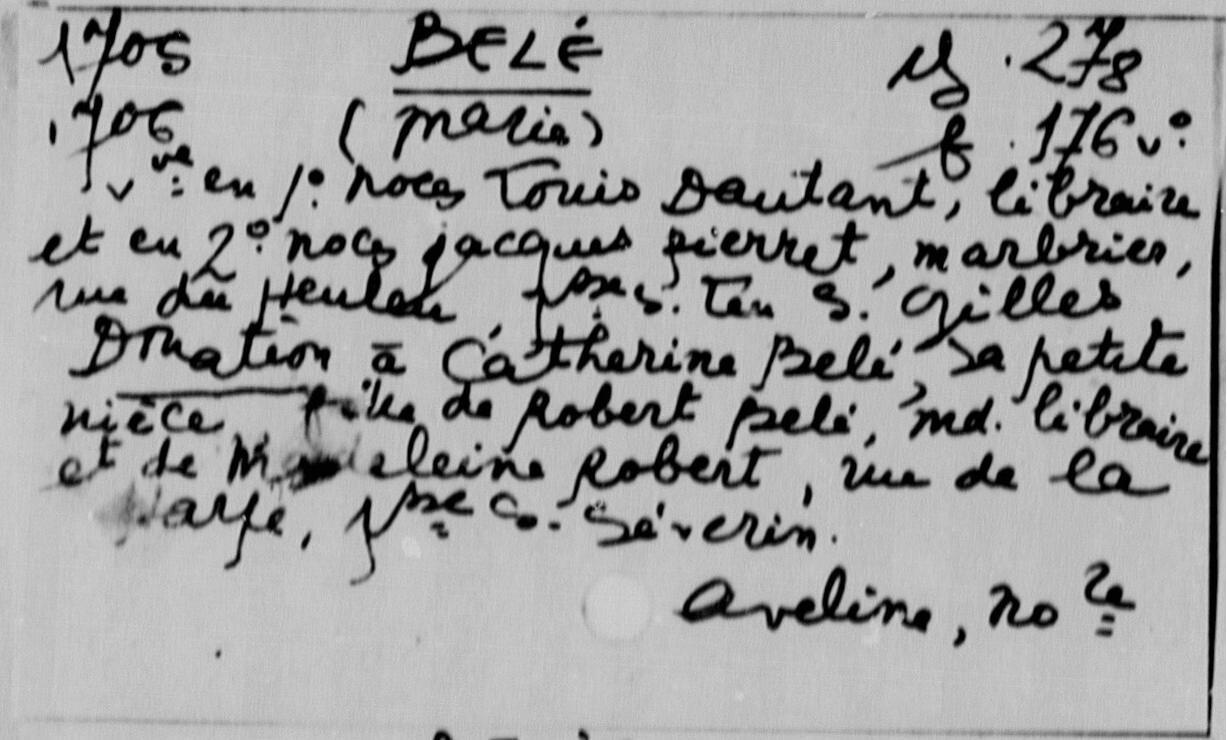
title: BELÉ (Marie)
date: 1705-1706
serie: Y
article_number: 278
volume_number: fol. 176v
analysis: Veuve en 1ères noces Louis Dautant, libraire et en 2es noces Jacques Pierret, marbrier, rue du Heuleu, paroisses Saint-Leu Saint-Gilles. Donation à Catherine BELÉ, sa petite nièce Madeleine ROBERT, marchand libraire et de Madeleine Robert, rue de la Harpe, paroisse Saint-Séverin. Aveline, notaire.
